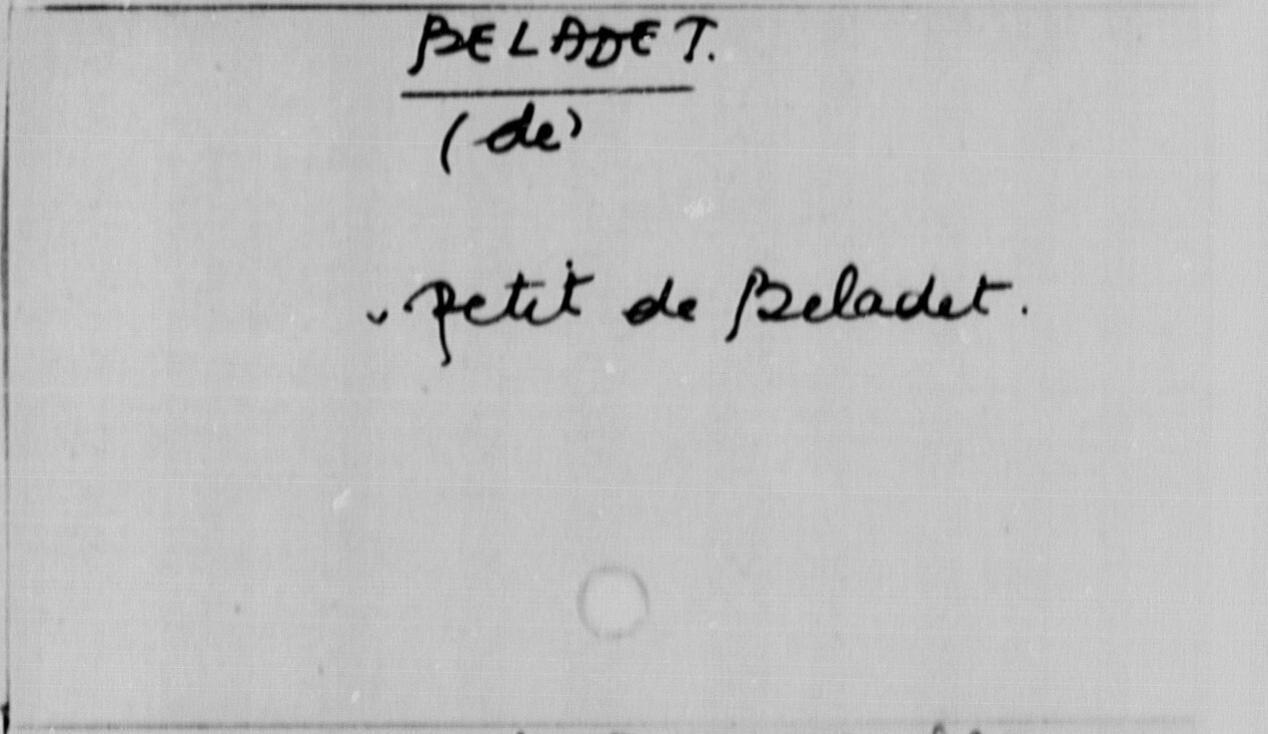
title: BELADET (de)
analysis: Voir Petit de Beladet
